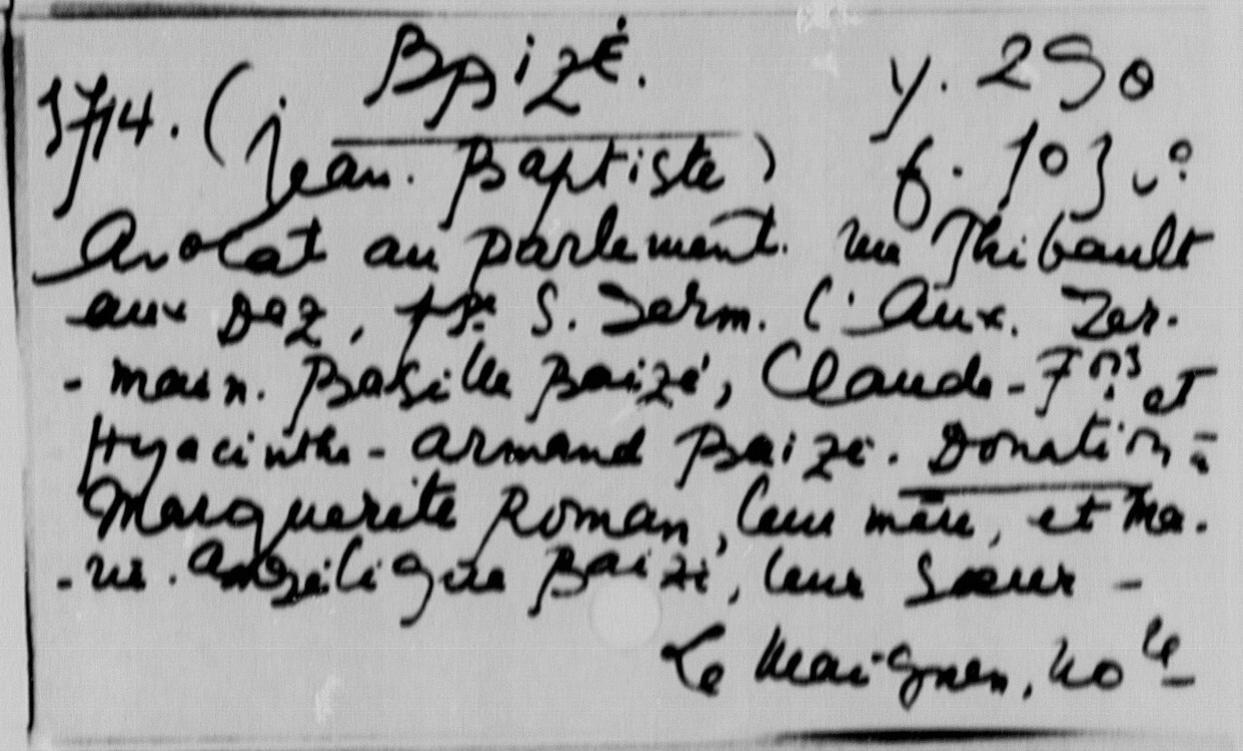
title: BAIZÉ (Jean-Baptiste)
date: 1714
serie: Y
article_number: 250
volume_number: folio 103 verso
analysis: Avocat au Parlement, rue Thibault aux Dez, paroisse Saint Germain-l'Auxerrois. Germain-Basille Baizé, Claude-François et Hyacinthe-Armand Baizé. Donation à Marguerite Roman, leur mère, et Marie Angélique Baizé, leur soeur. Le Maignen, notaire.
